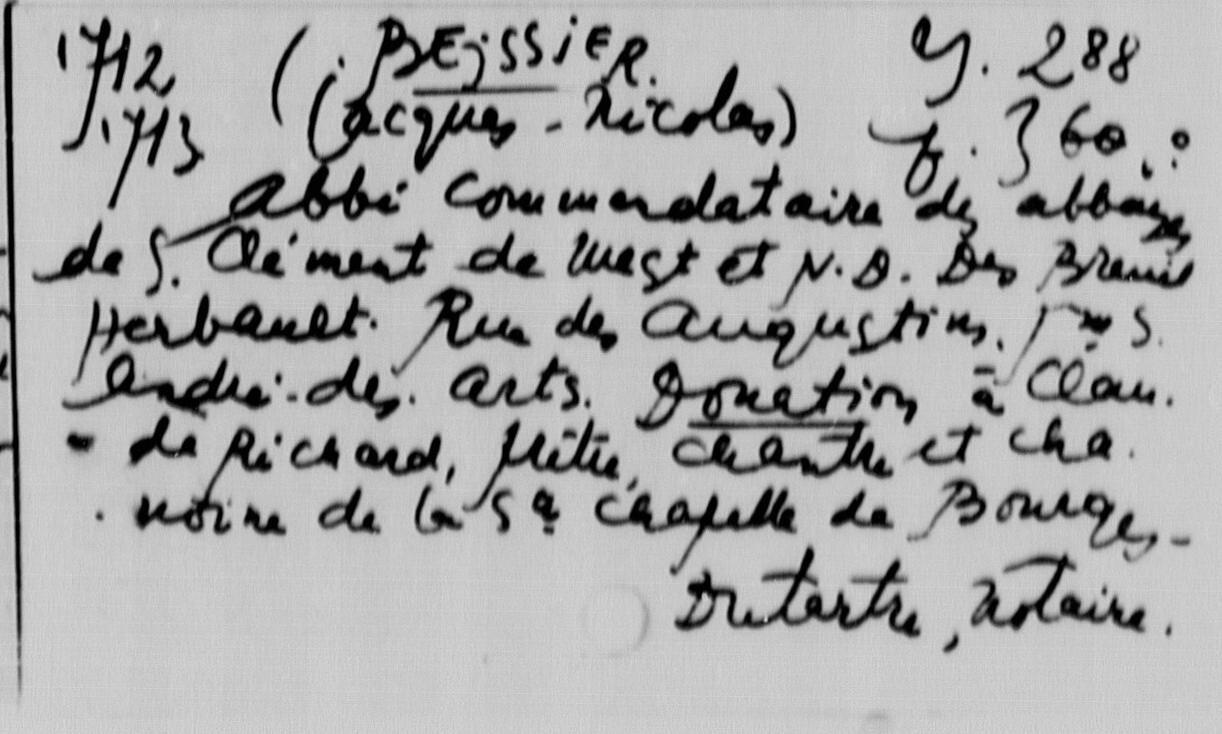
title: BEISSIER (Jacques-Nicolas)
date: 1712-1713
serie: Y
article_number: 288
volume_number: fol. 360v
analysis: Abbé commendataire des abbayes de Saint Clément de Mest et Notre-Dame Des Breuil Herbault. Rue des Augustins, paroisse Saint André-des-Arts Donation à Claude Richard, prêtre, chantre et chanoine de la Saint-Chapelle de Bourges. Dutartre, notaire.
